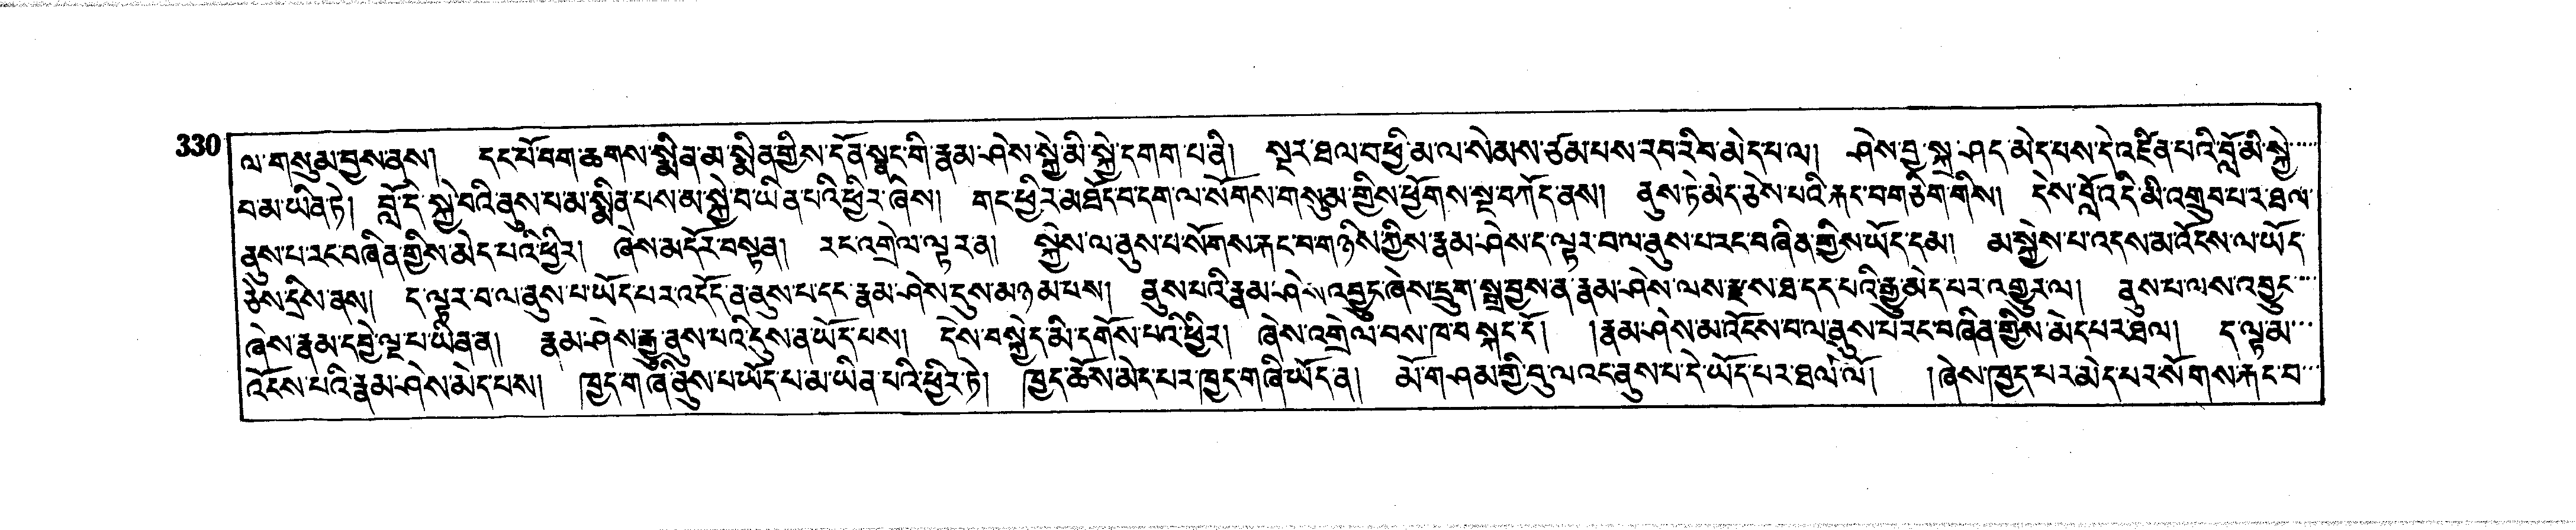ལ་གསུམ་བྱས་ནས། དང་པོ་བག་ཆགས་སྨིན་མ་སྨིན་གྱིས་དོན་སྣང་གི་རྣམ་ཤེས་སྐྱེ་མི་སྐྱེ་དགག་པ་ནི། སྔར་ཐལ་བ་ཕྱི་མ་ལ་སེམས་ཙམ་པས་རབ་རིབ་མེད་པ་ལ། ཤེས་བྱ་སྐྲ་ཤད་མེད་པས་དེ་འཛིན་པའི་བློ་མི་སྐྱེ་
བ་མ་ཡིན་ཏེ། བློ་དེ་སྐྱེ་བའི་ནུས་པ་མ་སྨིན་པས་མ་སྐྱེ་བ་ཡིན་པའི་ཕྱིར་ཞེས། གང་ཕྱིར་མཐོང་བ་དག་ལ་སོགས་གསུམ་གྱིས་ཕྱོགས་སྔ་བཀོད་ནས། ནུས་ཏེ་མེད་ཅེས་པའི་རྐང་བ་གཅིག་གིས། དེས་བློ་འདི་མི་འགྲུབ་པར་ཐལ་
ནུས་པ་རང་བཞིན་གྱིས་མེད་པའི་ཕྱིར། ཞེས་མདོར་བསྟན། རང་འགྲེལ་ལྟར་ན། སྐྱེས་ལ་ནུས་པ་སོགས་རྐང་བ་གཉིས་ཀྱིས་རྣམ་ཤེས་ད་ལྟར་བ་ལ་ནུས་པ་རང་བཞིན་གྱིས་ཡོད་དམ། མ་སྐྱེས་པ་འདས་མ་འོངས་ལ་ཡོད་
ཅེས་དྲིས་ནས། ད་ལྟར་བ་ལ་ནུས་པ་ཡོད་པར་འདོད་ན་ནུས་པ་དང་རྣམ་ཤེས་དུས་མཉམ་པས། ནུས་པའི་རྣམ་ཤེས་འབྱུང་ཞེས་དྲུག་སྒྲ་བྱས་ན་རྣམ་ཤེས་ལས་རྫས་ཐ་དད་པའི་རྒྱུ་མེད་པར་འགྱུར་ལ། ནུས་པ་ལས་འབྱུང་
ཞེས་རྣམ་དབྱེ་ལྔ་པ་ཡིན་ན། རྣམ་ཤེས་རྒྱུ་ནུས་པའི་དུས་ན་ཡོད་པས། དེས་བསྐྱེད་མི་དགོས་པའི་ཕྱིར། ཞེས་འགྲེལ་བས་ཁ་བསྐང་ངོ། །རྣམ་ཤེས་མ་འོངས་པ་ལ་ནུས་པ་རང་བཞིན་གྱིས་མེད་པར་ཐལ། ད་ལྟ་མ་
འོངས་པའི་རྣམ་ཤེས་མེད་པས། ཁྱད་གཞི་ནུས་པ་ཡོད་པ་མ་ཡིན་པའི་ཕྱིར་ཏེ། ཁྱད་ཆོས་མེད་པར་ཁྱད་གཞི་ཡོད་ན། མོ་གཤམ་གྱི་བུ་ལའང་ནུས་པ་དེ་ཡོད་པར་ཐལ་ལོ། །ཞེས་ཁྱད་པར་མེད་པར་སོགས་རྐང་བ་